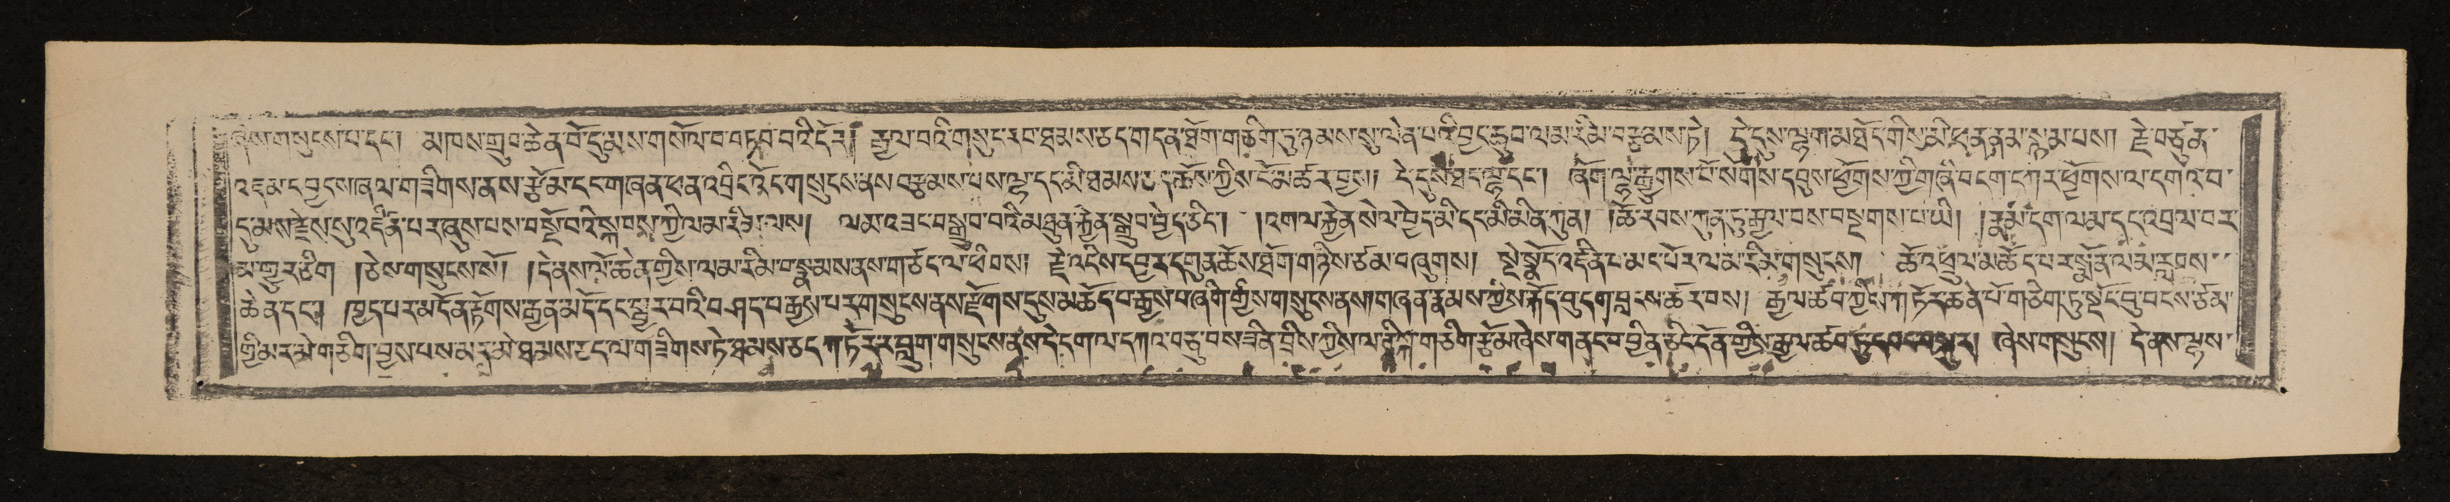ཞེས་གསུངས་པ་དང་། མཁས་གྲུབ་ཆེན་པོ་དུ་མས་གསོལ་བ་བཏབ་པའི་ངོར། རྒྱལ་བའི་གསུང་རབ་ཐམས་ཅད་གདན་ཐོག་གཅིག་ཏུ་ཉམས་སུ་ལེན་པའི་བྱང་ཆུབ་ལམ་རིམ་བརྩམས་ཏེ། དེ་དུས་ལྷག་མཐོང་གིས་མི་ཕན་ནམ་སྙམ་པས། རྗེ་བཙུན་
འཇམ་དབྱངས་ཞལ་གཟིགས་ནས་རྩོམ་དང་གཞན་ཕན་འབྲིང་འོང་གསུངས་ནས་བརྩམས་པས་ལྷ་དང་མི་ཐམས་ཅད་ཆོས་ཀྱིས་ངོ་མཚར་བྱས། དེ་དུས་ཐང་ལྷ་དང་། ཞོག་ལྷ་རྒྱུགས་པོ་སོགས་དབུས་ཕྱོགས་ཀྱི་གཞི་བདག་དཀར་ཕྱོགས་ལ་དགའ་བ་
དུ་མས་རྗེས་སུ་འཛིན་པར་ཞུས་པས་བསྔོ་བའི་སྐབས་ཀྱི་ལམ་རིམ་ལས། ལམ་བཟང་བསྒྲུབ་པའི་མཐུན་རྐྱེན་སྒྲུབ་བྱེད་ཅིང་། །འགལ་རྐྱེན་སེལ་བྱེད་མི་དང་མི་མིན་ཀུན། །ཚེ་རབས་ཀུན་ཏུ་རྒྱལ་བས་བསྔགས་པ་ཡི། །རྣམ་དག་ལམ་དང་འབྲལ་བར་
མ་གྱུར་ཅིག །ཅེས་གསུངས་སོ། །དེ་ནས་ལོ་ཆེན་གྱིས་ལམ་རིམ་བསྣམས་ནས་གཙང་ལ་ཕེབས། རྗེ་འདིས་དབྱར་དགུན་ཆོས་ཐོག་གཉིས་ཙམ་བཞུགས། སྡེ་སྣོད་འཛིན་པ་མང་པོར་ལམ་རིམ་གསུངས། ཆོ་འཕྲུལ་མཆོད་པར་སྨོན་ལམ་རླབས་
ཆེན་དང་། ཁྱད་པར་མངོན་རྟོགས་རྒྱན་མདོ་དང་སྦྱར་བའི་བཤད་པ་རྒྱས་པར་གསུངས་ནས་རྫོགས་དུས་མཆོད་པ་རྒྱས་བ་ཞིག་གྱིས་གསུངས་ནས། གཞན་རྣམས་ཀྱིས་རྐོང་བུ་དག་བླངས་ཚར་བས། རྒྱལ་ཚབ་ཀྱིས་ཀ་ཏོ་ར་ཆེན་པོ་གཅིག་ཏུ་སྡོང་བུ་འདས་ཙམ་
གྱི་མར་མེ་གཅིག་བྱས་པས་མར་མེ་ཐམས་ཅད་ལ་གཟིགས་ཏེ་ཐམས་ཅད་ཀ་ཏོ་རར་བླུག་གསུངས་ནས་དེ་དག་ལ་དཀའ་བཅུ་པས་ཟིན་བྲིས་ཀྱིས་ལ་ཊཱིཀྐ་གཅིག་རྩོམ་ཞེས་གནང་བ་བྱིན་ཅིང་དོན་གྱིས་རྒྱལ་ཚབ་ཏུ་དབང་བསྐུར། ཞེས་གསུངས། དེ་ནས་ལྷས་